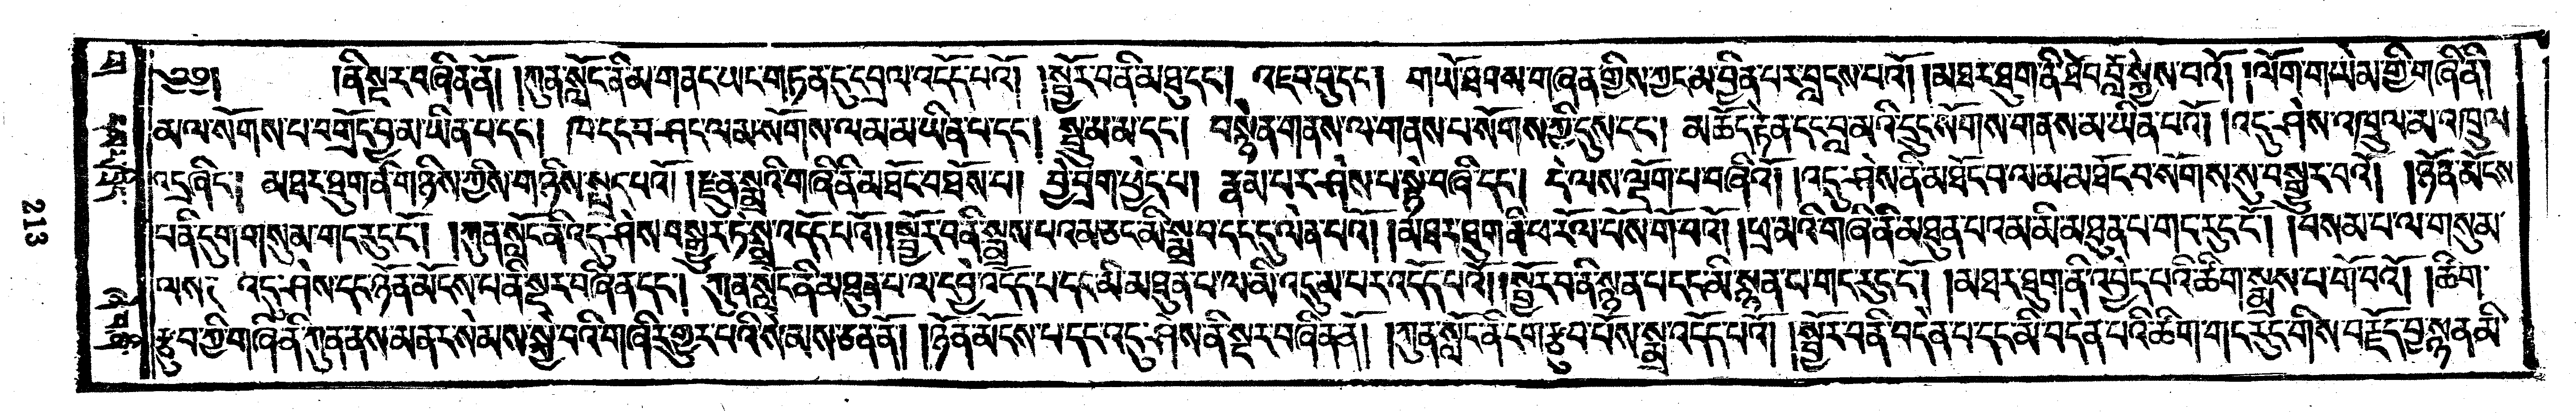༄༅། །ནི་སྔར་བཞིན་ནོ། །ཀུན་སློང་ནི་མ་གནང་ཡང་གཏན་དུ་དཔྲལ་འདོད་པའོ། །སྦྱོར་བ་ནི་མཐུ་དང་། འཇབ་བུ་དང་། གཡོ་ཐབས་གཞན་གྱིས་ཀྱང་མ་བྱིན་པར་བླངས་པའོ། །མཐར་ཐུག་ནི་ཐོབ་བློ་སྐྱེས་པའོ། །ལོག་གཡེམ་གྱི་གཞི་ནི།
མ་ལ་སོགས་པ་བགྲོད་བྱ་མ་ཡིན་པ་དང་། ཁ་དང་བཤད་ལམ་སོགས་ལམ་མ་ཡིན་པ་དང་། སྦྲུ་མ་མ་དང་། བསྙེན་གནས་ལ་གནས་པ་སོགས་ཀྱི་དུས་དང་། མཆོད་རྟེན་དང་བླ་མའི་དྲུང་སོགས་གནས་མ་ཡིན་པའོ། །འདུ་ཤེས་འཁྲུལ་མ་འཁྲུལ་
འདྲ་ཞིང་། མཐར་ཐུག་ནི་གཉིས་ཀྱིས་གཉིས་སྤྲད་པའོ། །རྫུན་སྨྲའི་གཞི་ནི་མཐོང་བ་ཐོས་པ། བྱེ་བྲག་ཕྱེད་པ། རྣམ་པར་ཤེས་པ་སྟེ་བཞི་དང་། དེ་ལས་ལྡོག་པ་བཞིའོ། །འདུ་ཤེས་ནི་མཐོང་བ་ལ་མ་མཐོང་བ་སོགས་སུ་བསྒྱུར་བའོ། །ཉོན་མོངས་
བ་ནི་དུག་གསུམ་གང་རུང་ངོ། །ཀུན་སློང་ནི་འདུ་ཤེས་བསྒྱུར་ཏེ་སྨྲ་འདོད་པའོ། །སྦྱོར་བ་ནི་སྨྲས་པའམ་ཅང་མི་སྨྲ་བ་དང་དུ་ལེན་པའོ། །མཐར་ཐུག་ནི་ཕ་རོལ་པོས་གོ་བའོ། །ཕྲ་མའི་གཞི་ནི་མཐུན་པའམ་མི་མཐུན་པ་གང་རུང་ངོ། །བསམ་པ་ལ་གསུམ་
ལས༑ འདུ་ཤེས་དང་ཉོན་མོངས་པ་ནི་སྔར་བཞིན་དང་། ཀུན་སློང་ནི་མཐུན་པ་ལ་དབྱེ་འདོད་པ་དང་མི་མཐུན་པ་ལ་མི་འདུ་མ་པར་འདོད་པའོ། །སྦྱོར་བ་ནི་སྙན་པ་དང་མི་སྙན་པ་གང་རུང་ངོ། །མཐར་ཐུག་ནི་འབྱེད་པའི་ཚིག་སྨྲས་པ་གོ་བའོ། །ཚིག་
རྩུབ་ཀྱི་གཞི་ནི་ཀུན་ནས་མནར་སེམས་སྐྱེ་བའི་གཞིར་གྱུར་པའི་སེམས་ཅན་ནོ། །ཉོན་མོངས་པ་དང་འདུ་ཤེས་ནི་སྔར་བཞིན་ནོ། །ཀུན་སློང་ནི་དག་རྩུབ་པོས་སྨྲ་འདོད་པའོ། །སྦྱོར་བ་ནི་བདེན་པ་དང་མི་བདེན་པའི་ཚིག་གང་རུང་གིས་བརྗོད་བྱ་སྙན་མི་